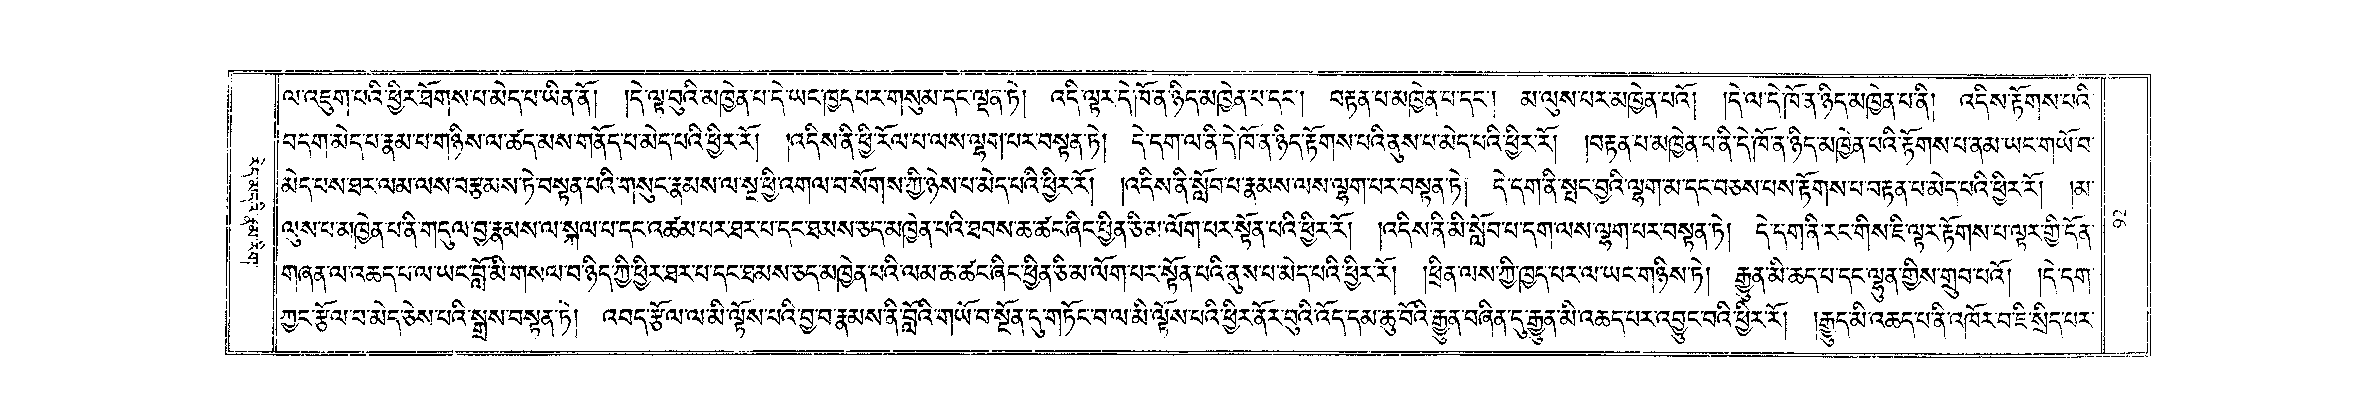ལ་འཇུག་པའི་ཕྱིར་ཐོགས་པ་མེད་པ་ཡིན་ནོ། །དེ་ལྟ་བུའི་མཁྱེན་པ་དེ་ཡང་ཁྱད་པར་གསུམ་དང་ལྡན་ཏེ། འདི་ལྟར་དེ་ཁོ་ན་ཉིད་མཁྱེན་པ་དང་། བརྟན་པ་མཁྱེན་པ་དང་། མ་ལུས་པར་མཁྱེན་པའོ། །དེ་ལ་དེ་ཁོ་ན་ཉིད་མཁྱེན་པ་ནི། འདིས་རྟོགས་པའི་
བདག་མེད་པ་རྣམ་པ་གཉིས་ལ་ཚད་མས་གནོད་པ་མེད་པའི་ཕྱིར་རོ། །འདིས་ནི་ཕྱི་རོལ་པ་ལས་ལྷག་པར་བསྟན་ཏེ། དེ་དག་ལ་ནི་དེ་ཁོ་ན་ཉིད་རྟོགས་པའི་ནུས་པ་མེད་པའི་ཕྱིར་རོ། །བརྟན་པ་མཁྱེན་པ་ནི་དེ་ཁོ་ན་ཉིད་མཁྱེན་པའི་རྟོགས་པ་ནམ་ཡང་གཡོ་བ་
མེད་པས་ཐར་ལམ་ལས་བརྩམས་ཏེ་བསྟན་པའི་གསུང་རྣམས་ལ་སྔ་ཕྱི་འགལ་བ་སོགས་ཀྱི་ཉེས་པ་མེད་པའི་ཕྱིར་རོ། །འདིས་ནི་སློབ་པ་རྣམས་ལས་ལྷག་པར་བསྟན་ཏེ། དེ་དག་ནི་སྤང་བྱའི་ལྷག་མ་དང་བཅས་པས་རྟོགས་པ་བརྟན་པ་མེད་པའི་ཕྱིར་རོ། །མ་
ལུས་པ་མཁྱེན་པ་ནི་གདུལ་བྱ་རྣམས་ལ་སྐལ་པ་དང་འཚམ་པར་ཐར་པ་དང་ཐམས་ཅད་མཁྱེན་པའི་ཐབས་ཆ་ཚང་ཞིང་ཕྱིན་ཅི་མ་ལོག་པར་སྟོན་པའི་ཕྱིར་རོ། །འདིས་ནི་མི་སློབ་པ་དག་ལས་ལྷག་པར་བསྟན་ཏེ། དེ་དག་ནི་རང་གིས་ཇི་ལྟར་རྟོགས་པ་ལྟར་གྱི་དོན་
གཞན་ལ་འཆད་པ་ལ་ཡང་བློ་མི་གསལ་བ་ཉིད་ཀྱི་ཕྱིར་ཐར་པ་དང་ཐམས་ཅད་མཁྱེན་པའི་ལམ་ཆ་ཚང་ཞིང་ཕྱིན་ཅི་མ་ལོག་པར་སྟོན་པའི་ནུས་པ་མེད་པའི་ཕྱིར་རོ། །ཕྲིན་ལས་ཀྱི་ཁྱད་པར་ལ་ཡང་གཉིས་ཏེ། རྒྱུན་མི་ཆད་པ་དང་ལྷུན་གྱིས་གྲུབ་པའོ། །དེ་དག་
ཀྱང་རྩོལ་བ་མེད་ཅེས་པའི་སྒྲས་བསྟན་ཏེ། འབད་རྩོལ་ལ་མི་ལྟོས་པའི་བྱ་བ་རྣམས་ནི་བློའི་གཡོ་བ་སྔོན་དུ་གཏོང་བ་ལ་མི་ལྟོས་པའི་ཕྱིར་ནོར་བུའི་འོད་དམ་ཆུ་བོའི་རྒྱུན་བཞིན་དུ་རྒྱུན་མི་འཆད་པར་འབྱུང་བའི་ཕྱིར་རོ། །རྒྱུད་མི་འཆད་པ་ནི་འཁོར་བ་ཇི་སྲིད་པར་